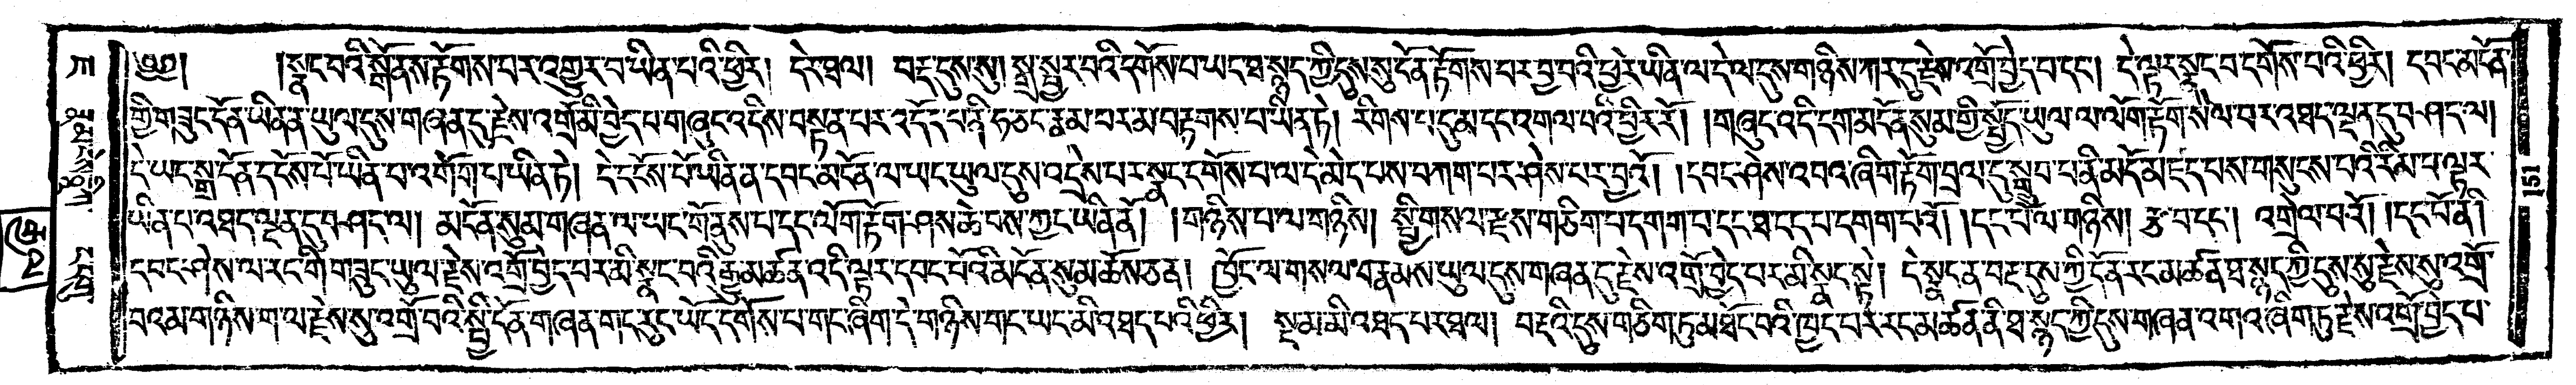༄༅། །སྣང་བའི་སྒོ་ནས་རྟོགས་པར་འགྱུར་བ་ཡིན་པའི་ཕྱིར། དེར་ཐལ། བརྡ་དུས་སུ། སྒྲ་སྦྱར་བའི་དགོས་པ་ཡང་ཐ་སྙད་ཀྱི་དུས་སུ་ངོན་རྟོགས་པར་བྱ་བའི་ཕྱིར་ཡིན་ལ་དེ་ལ་དུས་གཉིས་ཀར་དུ་རྗེས་འགྲོ་བྱེད་པ་དང་། དེ་ལྟར་སྣང་བ་དགོས་པའི་ཕྱིར། དབང་མངོན་
གྱི་གཟུང་དོན་ཡིན་ན་ཡུལ་དུས་གཞན་དུ་རྗེས་འགྲོ་མི་བྱེད་པ་གཞུང་འདིས་བསྟན་པར་འདོད་པ་ནི་ཧ་ཅང་རྣམ་པར་མ་བརྟགས་པ་ཡིན་ཏེ། རིགས་པ་དུ་མ་དང་འགལ་བའི་ཕྱིར་རོ། །གཞུང་འདི་དག་མངོན་སུམ་གྱི་སྤྱོད་ཡུལ་ལ་ལོག་རྟོག་སེལ་བར་འཐད་ལྡན་དུ་བཤད་ལ།
དེ་ཡང་སྒྲ་དོན་དངོས་པོ་ཡིན་པ་འགོག་པ་ཡིན་ཏེ། དེ་དངོས་པོ་ཡིན་ན་དབང་མངོན་ལ་ཡང་ཡུལ་དུས་འདྲེས་པར་སྣང་དགོས་པ་ལ་དེ་མེད་པས་བཀག་པར་ཤེས་པར་བྱའོ། །དབང་ཤེས་འབའ་ཞིག་རྟོག་བྲལ་དུ་སྒྲུབ་པ་ནི་མདོ་མཛད་པས་གསུངས་པའི་རིམ་པ་ལྟར་
ཡིན་པ་འཐད་ལྡན་དུ་བཤད་ལ། མངོན་སུམ་གཞན་ལ་ཡང་གོ་ནུས་པ་དང་ལོག་རྟོག་ཤས་ཆེ་བས་ཀྱང་ཡིན་ནོ། །གཉིས་པ་ལ་གཉིས། སྤྱི་གསལ་རྫས་གཅིག་པ་དགག་པ་དང་ཐ་དད་པ་དགག་པའོ། །དང་པོ་ལ་གཉིས། རྩ་བ་དང་། འགྲེལ་པའོ། །དང་པོ་ནི།
དབང་ཤེས་ལ་རང་གི་གཟུང་ཡུལ་རྗེས་འགྲོ་བྱེད་པར་མི་སྣང་བའི་རྒྱུ་མཚན་འདི་ལྟར་དབང་པོའི་མངོན་སུམ་ཆོས་ཅན། ཁྱོད་ལ་གསལ་བ་རྣམས་ཡུལ་དུས་གཞན་དུ་རྗེས་འགྲོ་བྱེད་པར་མི་སྣང་སྟེ། དེ་སྣང་ན་བརྡ་དུས་ཀྱི་དོན་རང་མཚན་ཐ་སྙད་ཀྱི་དུས་སུ་རྗེས་སུ་འགྲོ་
བའམ་གཉིས་ག་ལ་རྗེས་སུ་འགྲོ་བའི་སྤྱི་དོན་གཞན་གང་རུང་ཡོད་དགོས་པ་གང་ཞིག་དེ་གཉིས་གང་ཡང་མི་འཐད་པའི་ཕྱིར། སྔ་མ་མི་འཐད་པར་ཐལ། བརྡའི་དུས་གཅིག་ཏུ་མཐོང་བའི་ཁྱད་པར་རང་མཚན་ནི་ཐ་སྙད་ཀྱི་དུས་གཞན་འགའ་ཞིག་ཏུ་རྗེས་འགྲོ་བྱེད་པ་